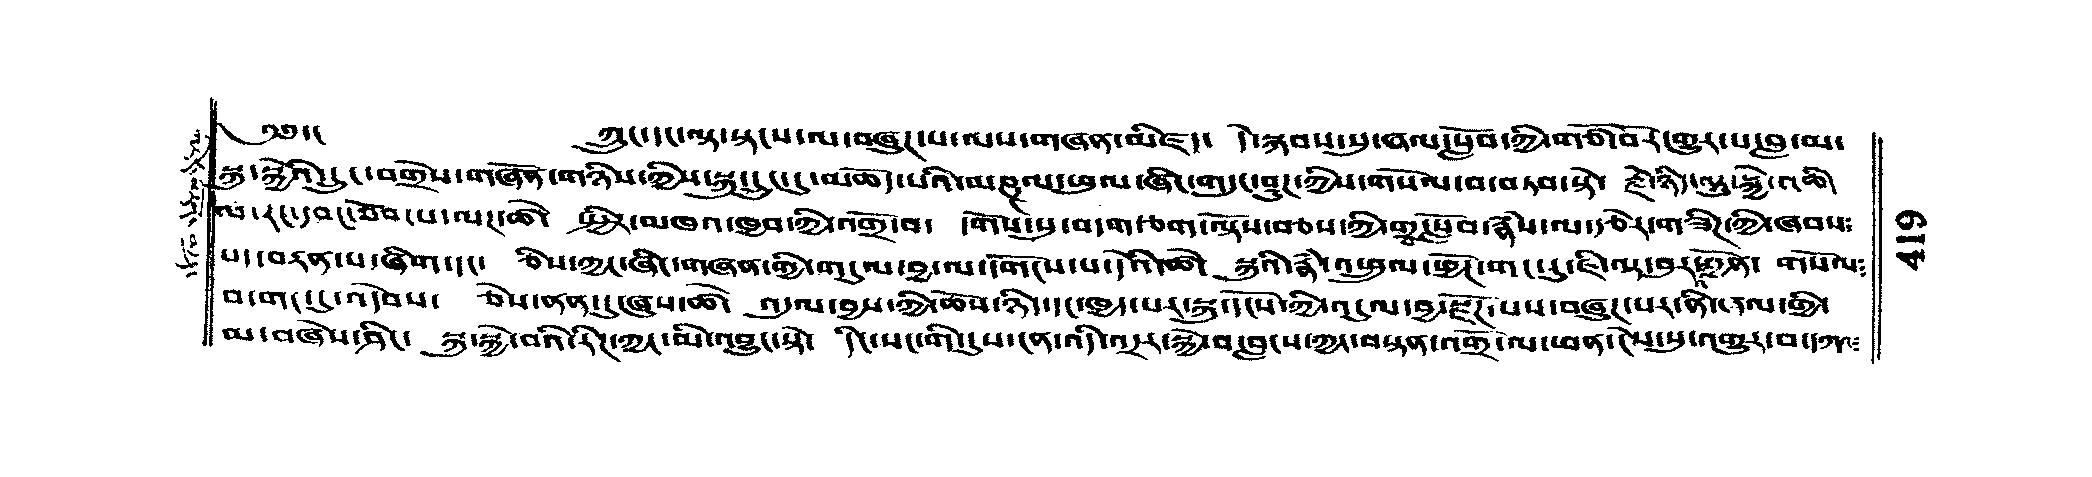ཀྲུང་དང་ལྟ་སྟངས་ལ་བཞུགས་པ་ལས་གཞན་མི་མཛད། དེ་སྐབས་སུ་ཞལ་སློབ་ཀྱི་གཙོ་བོར་གྱུར་པ་བླ་མ་
སྐུ་སྐྱེའི་དྲུང་བགྲེས་གཞོན་གཉིས་ཀྱིས་སྐུ་དྲུང་དུ་མཆོད་པའི་མཎྜལ་ཕུལ་ཞིང་གདུང་ཤུགས་ཀྱིས་གསོལ་བ་བཏབ་སྟེ། རྗེ་ཉིད་ལྟ་བུ་སྐྱེ་འཆི་
ལ་རང་དབང་ཐོབ་པ་ལགས་ཚེ། སྤྱིར་མཁའ་ཁྱབ་ཀྱི་འགྲོ་བ། དགོས་སུ་བདག་ཅག་ལྟོས་བཅས་ཀྱི་གྲྭ་སློབ་རྣམས་ལ་རྩེར་གཟིགས་ཀྱི་ཞབས་
པད་བརྟན་པ་ཞིག་དང་། ཅིས་ཀྱང་ཞིང་གཞན་གྱི་གདུལ་བྱ་ལ་དགོངས་པ་དེའི་ཚེ། སྐུའི་རྣམ་འཕྲུལ་ཕྱོགས་གང་ཏུ་ཇི་ལྟ་བུར་འབྱོན། གསོལ་
བ་གང་དུ་འདེབས། ཅེས་ནན་དུ་ཞུས་ཚེ། འདུས་བྱས་ཀྱི་ཆོས་ཉིད་དང་ཁྱད་པར་སྐུ་དངོས་ཀྱི་འདུལ་བྱ་རྫོགས་པས་བཞུགས་པར་ནི་ཞལ་གྱི་
མ་བཞེས་ཤིང་། སྐུ་སྐྱེ་བའི་རིགས་ཀྱང་མི་འབྱུང་སྟེ། དིང་སང་གི་དུས་ངན་འདི་འདྲར་སྐྱེ་བ་བླངས་ཀྱང་བསྟན་འགྲོ་ལ་ཕན་ངེས་སུ་འགྱུར་བ་དཀའ་